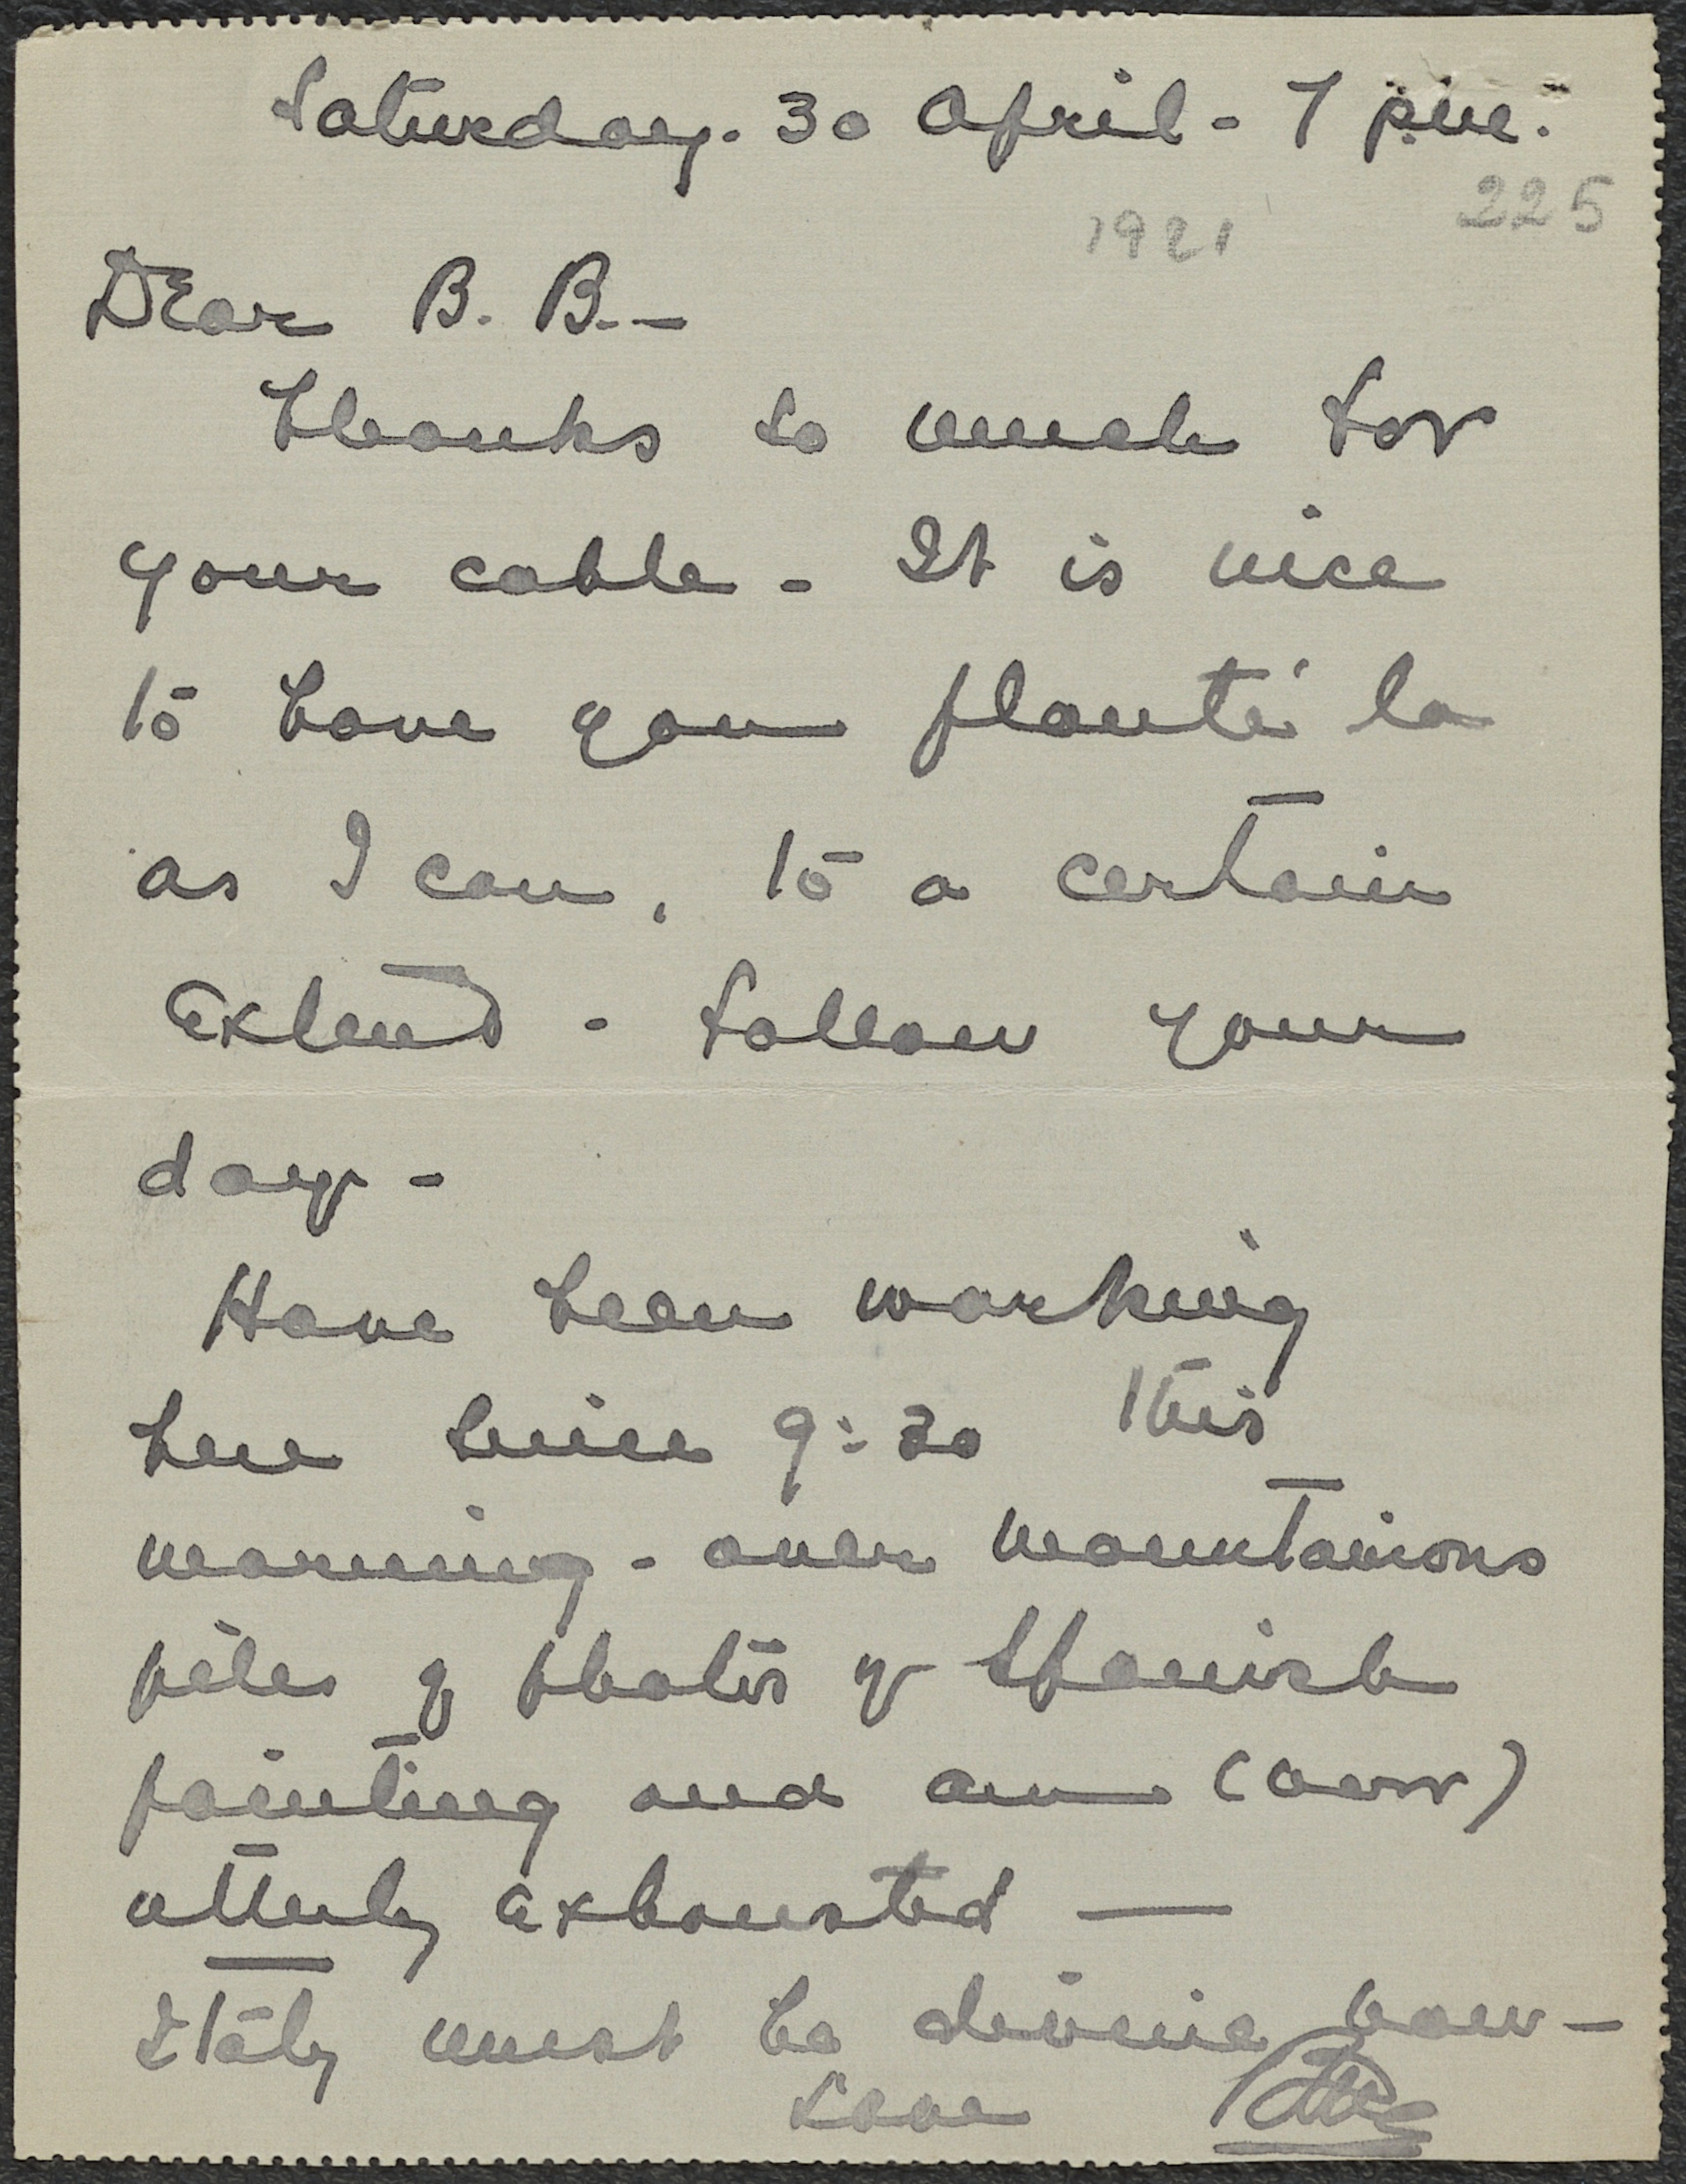Saturday. 30 April – 7 pm.
Dear B. B. –
Thanks so much for your cable – It is nice to have you planté la as I can, to a certain extent – follow your days –
Have been working here since 9:30 this morning – over mountainous piles of photos of Spanish painting and am (now) utterly exhausted –
Italy must be divine now –
Love Belle